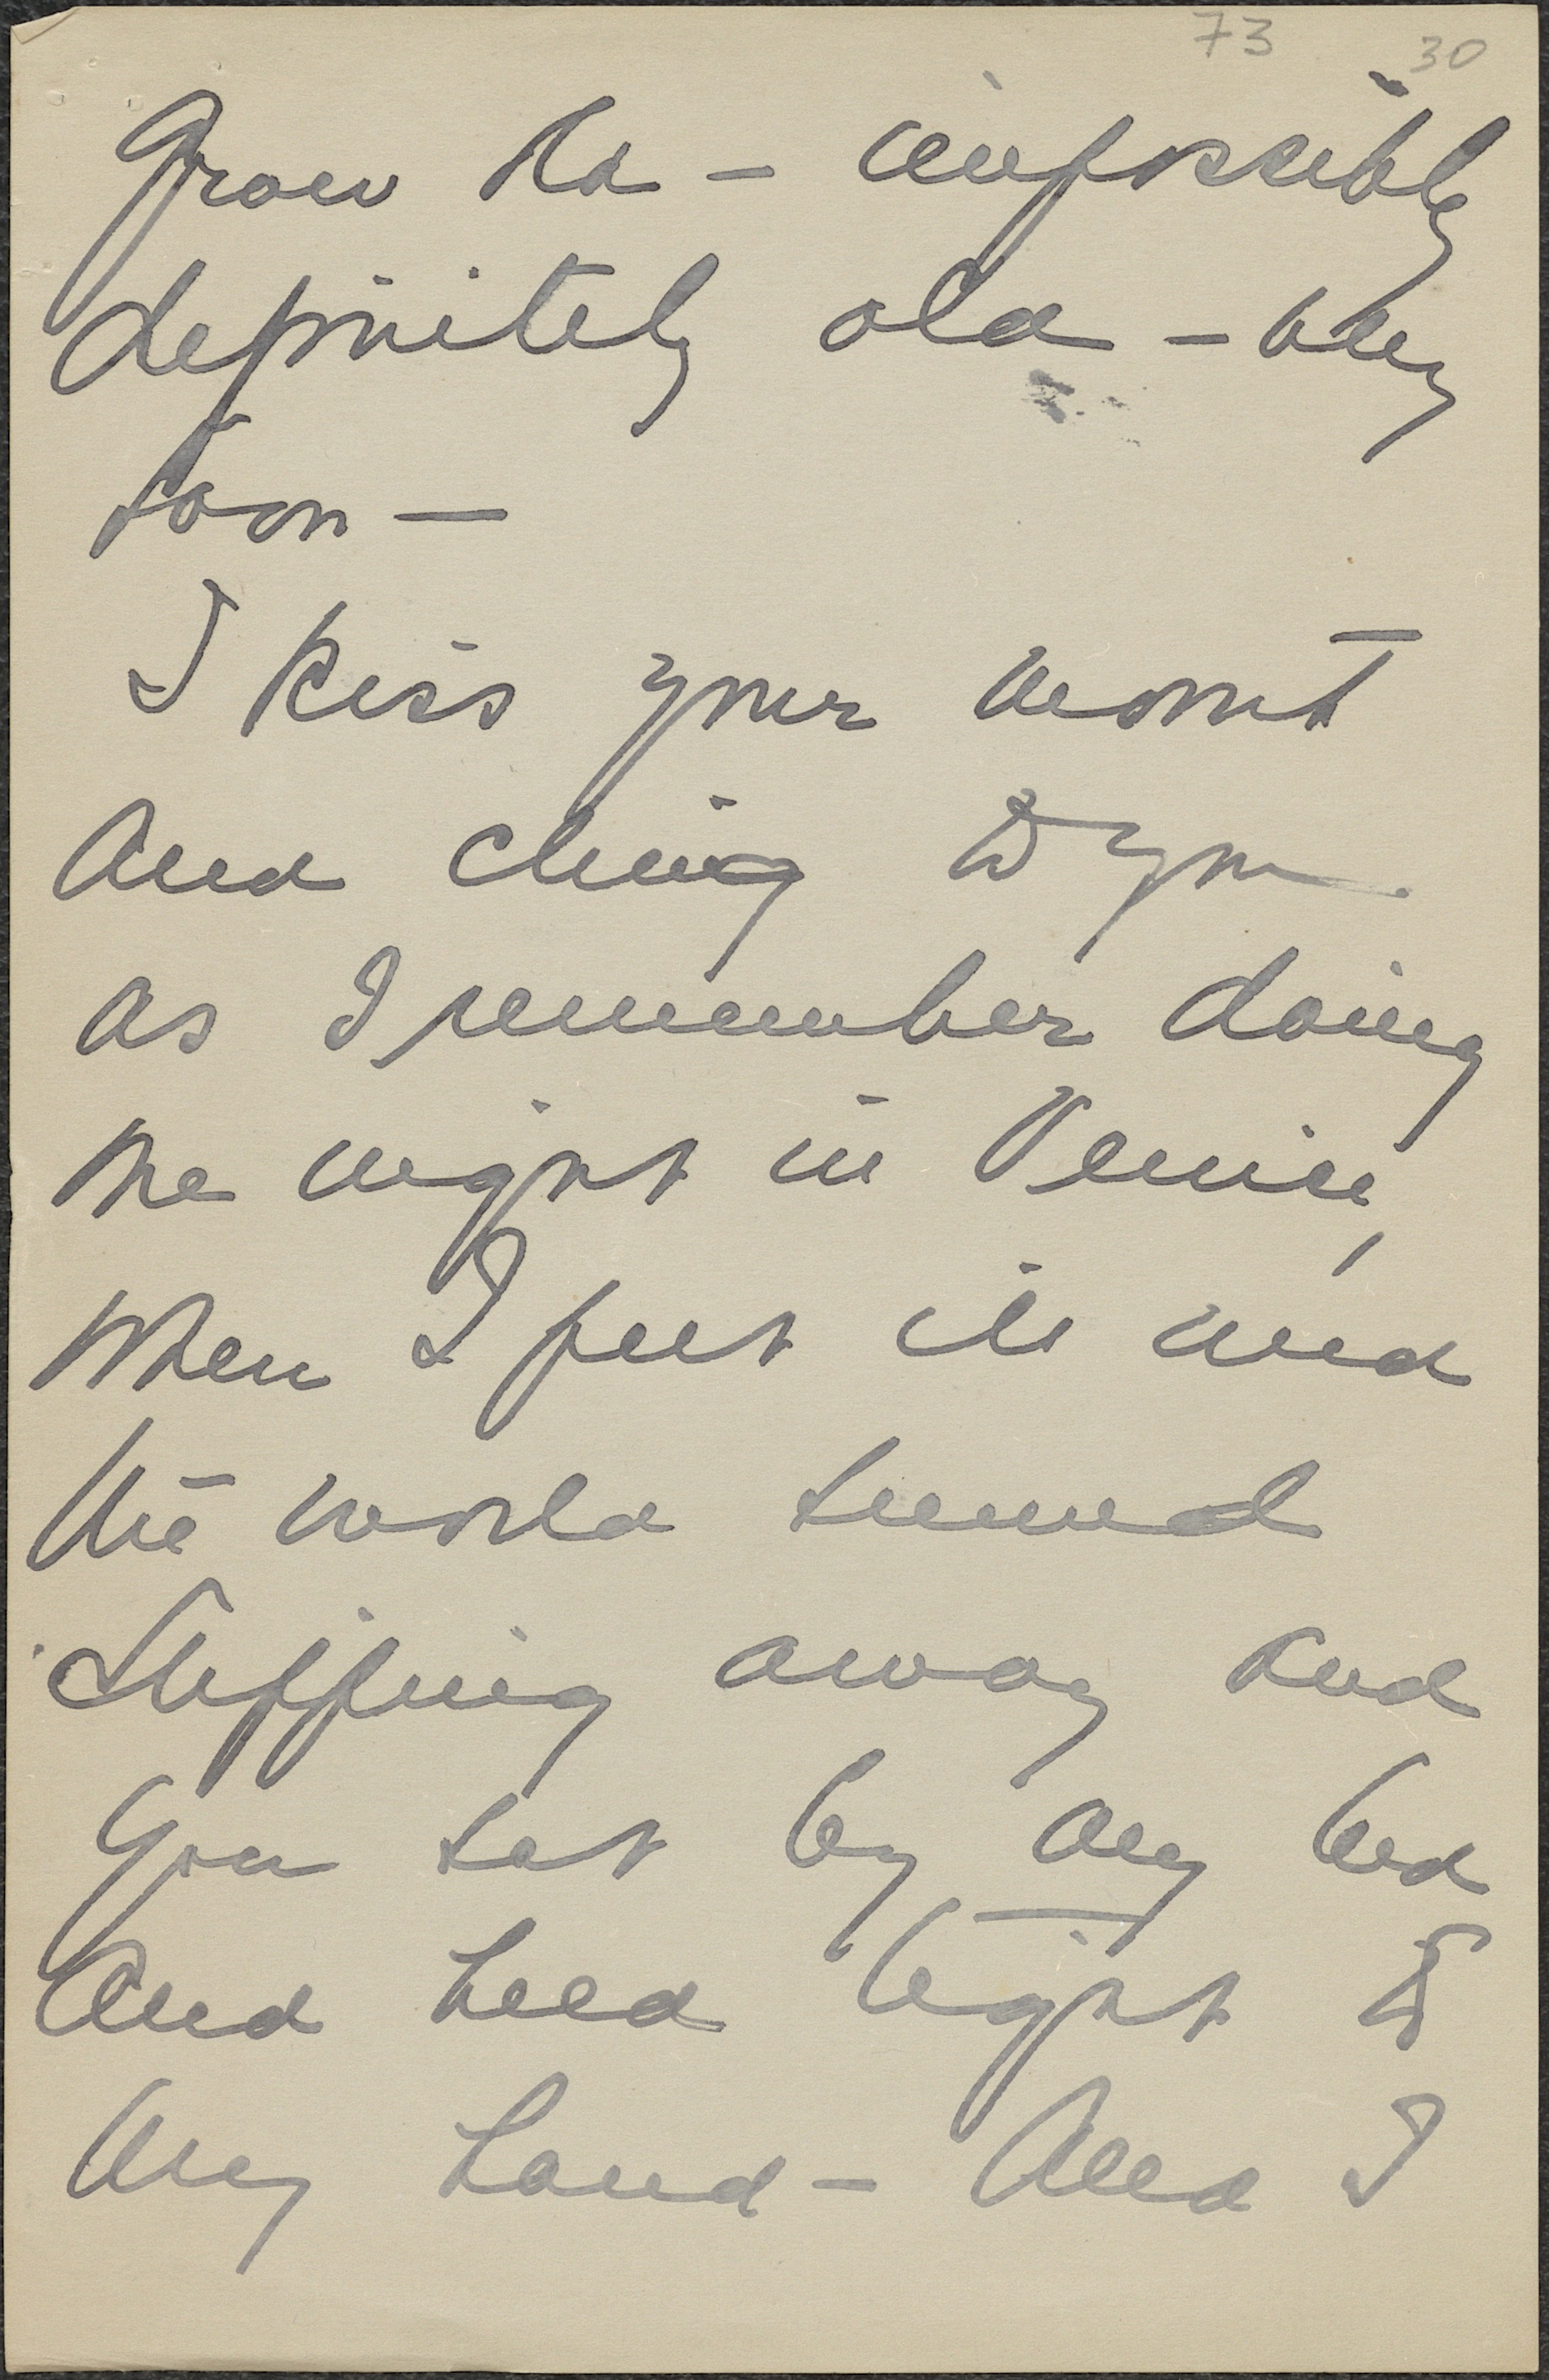grow old – impossibly definitely old – very soon –
I kiss your mouth and cling to you as I remember doing one night in Venice, when I felt it and the world seemed slipping away and you sat by my bed and held tight to my hand – and I